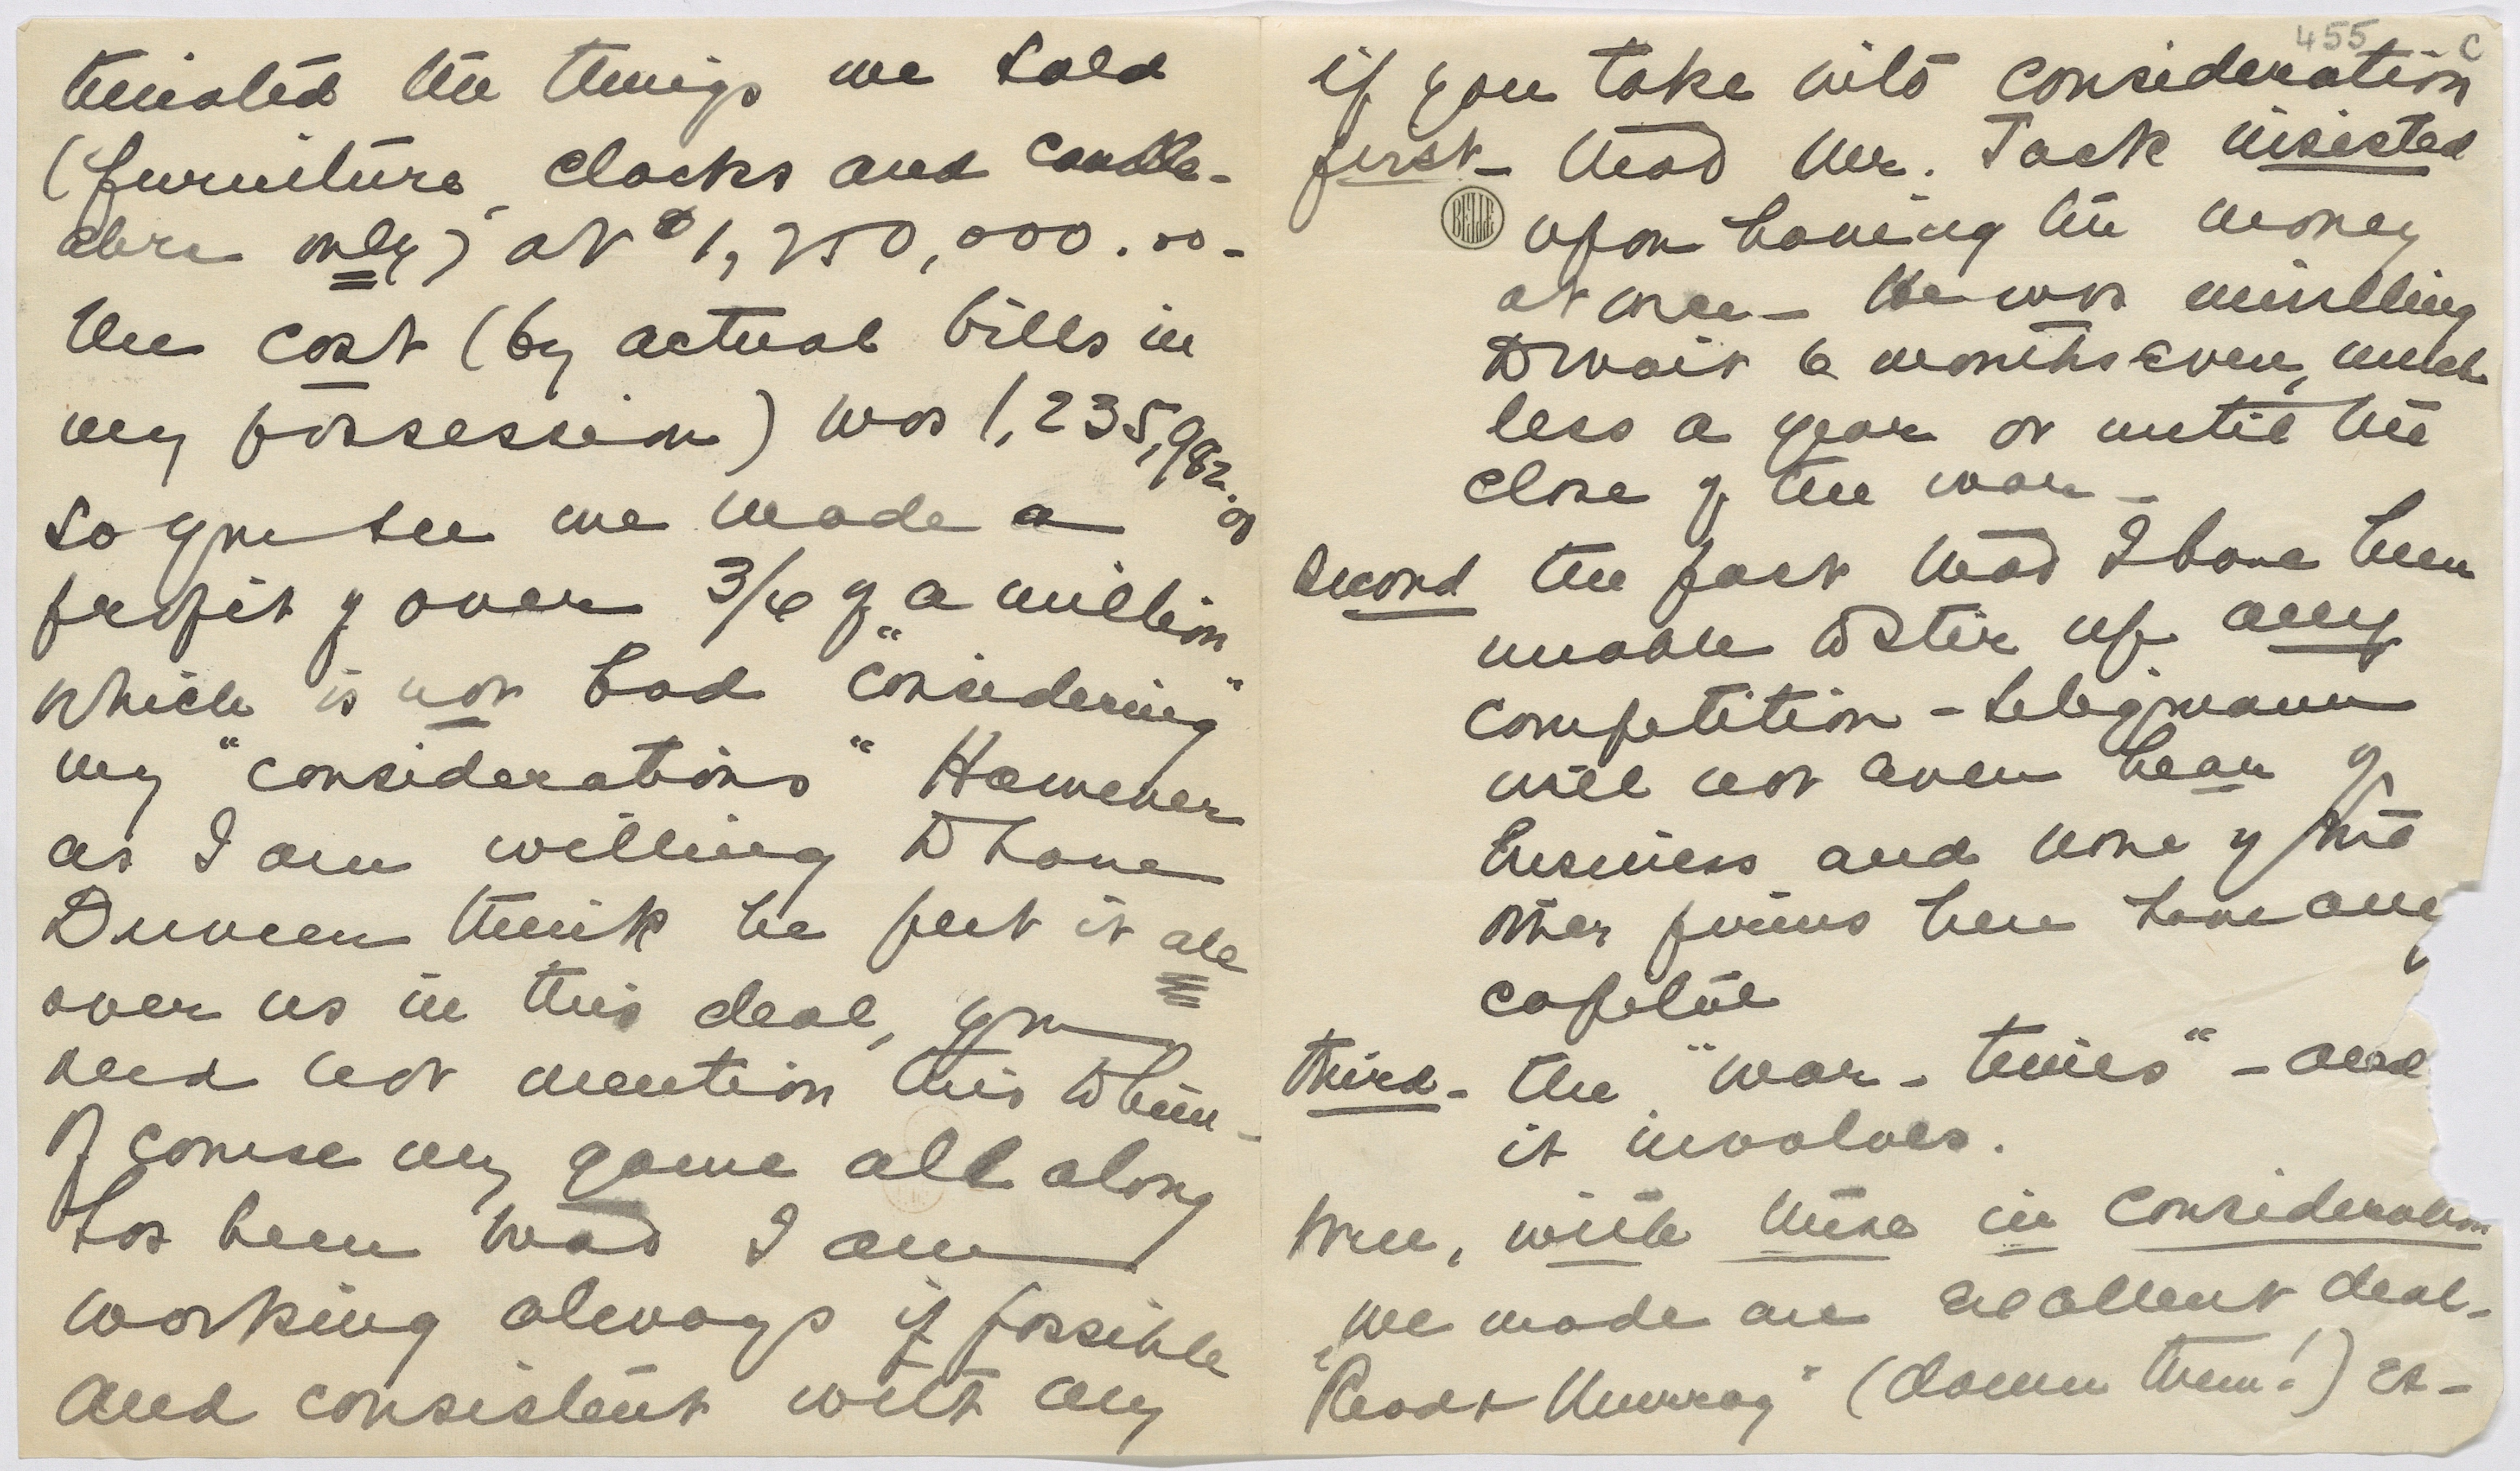if you take into consideration
first – that Mr. Jack insisted upon having the money at once – He was unwilling to wait 6 months even, much less a year or until the close of the war –
second the fact that I have been unable to stir up any competition – Seligmann will not even hear of business and none of the other firms here have any capital
third – the “war-times” – and [loss] it involves.
Well, with them in consideration we made an excellent deal – “Read & Murray” (damn them!)
estimated the things we sold (furniture, clocks and candleabra [sic] [double underlined: only] at $1,250,000.00 – the cost (by actual bills in my possession) was 1,235,982.00 so you see we made a profit of over ¾ of a million which is not bad “considering” my “considerations” However as I am willing to have Duveen think he put it [quadruple underlined: all] over us in this deal, you need not mention this to them – of course my game all along has been that I am working always if possible and consistent with my